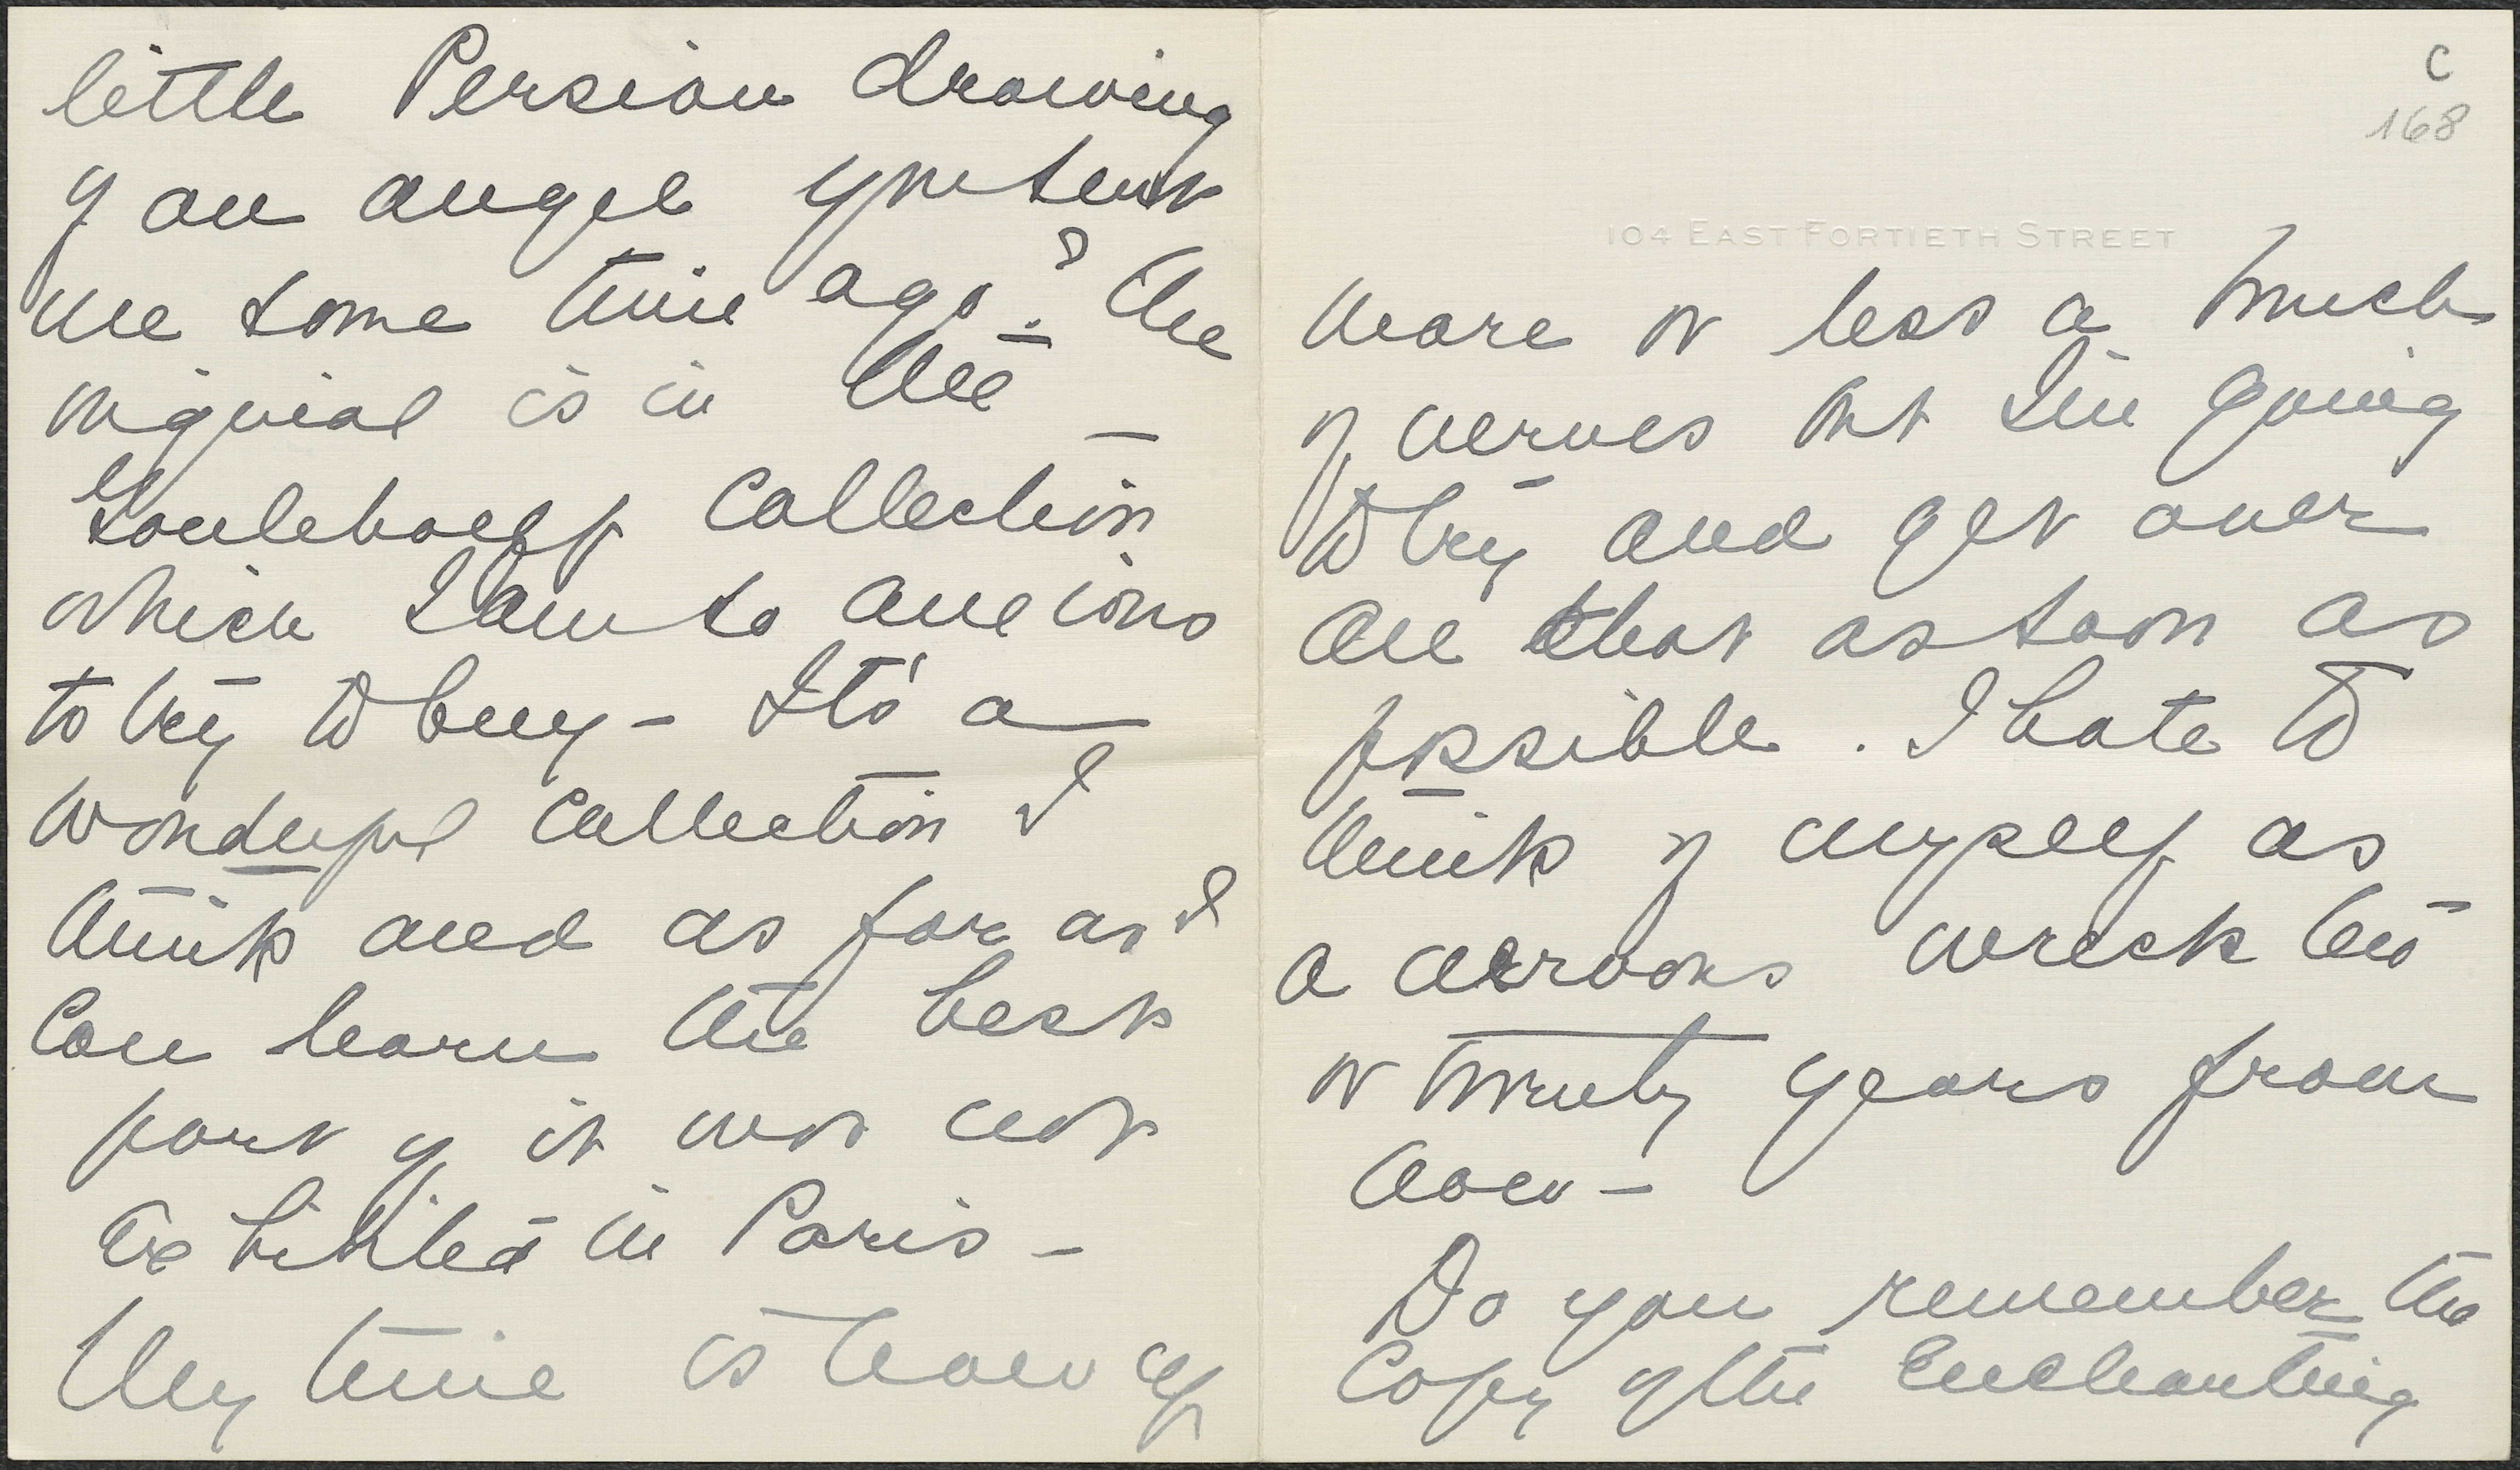more or less a bunch of nerves but I’m going to try and get over all that as soon as possible. I hate to think of myself as a nervous wreck two or twenty years from now –
Do you remember the copy of the enchanting
little Persian drawing of an angel you sent me some time ago? The original is in the Gouleboeff [sic] Collection which I am so anxious to try to buy – It’s a wonderful collection I think and as far as I can tell learn the best part of it was not exhibited in Paris – My time is now up